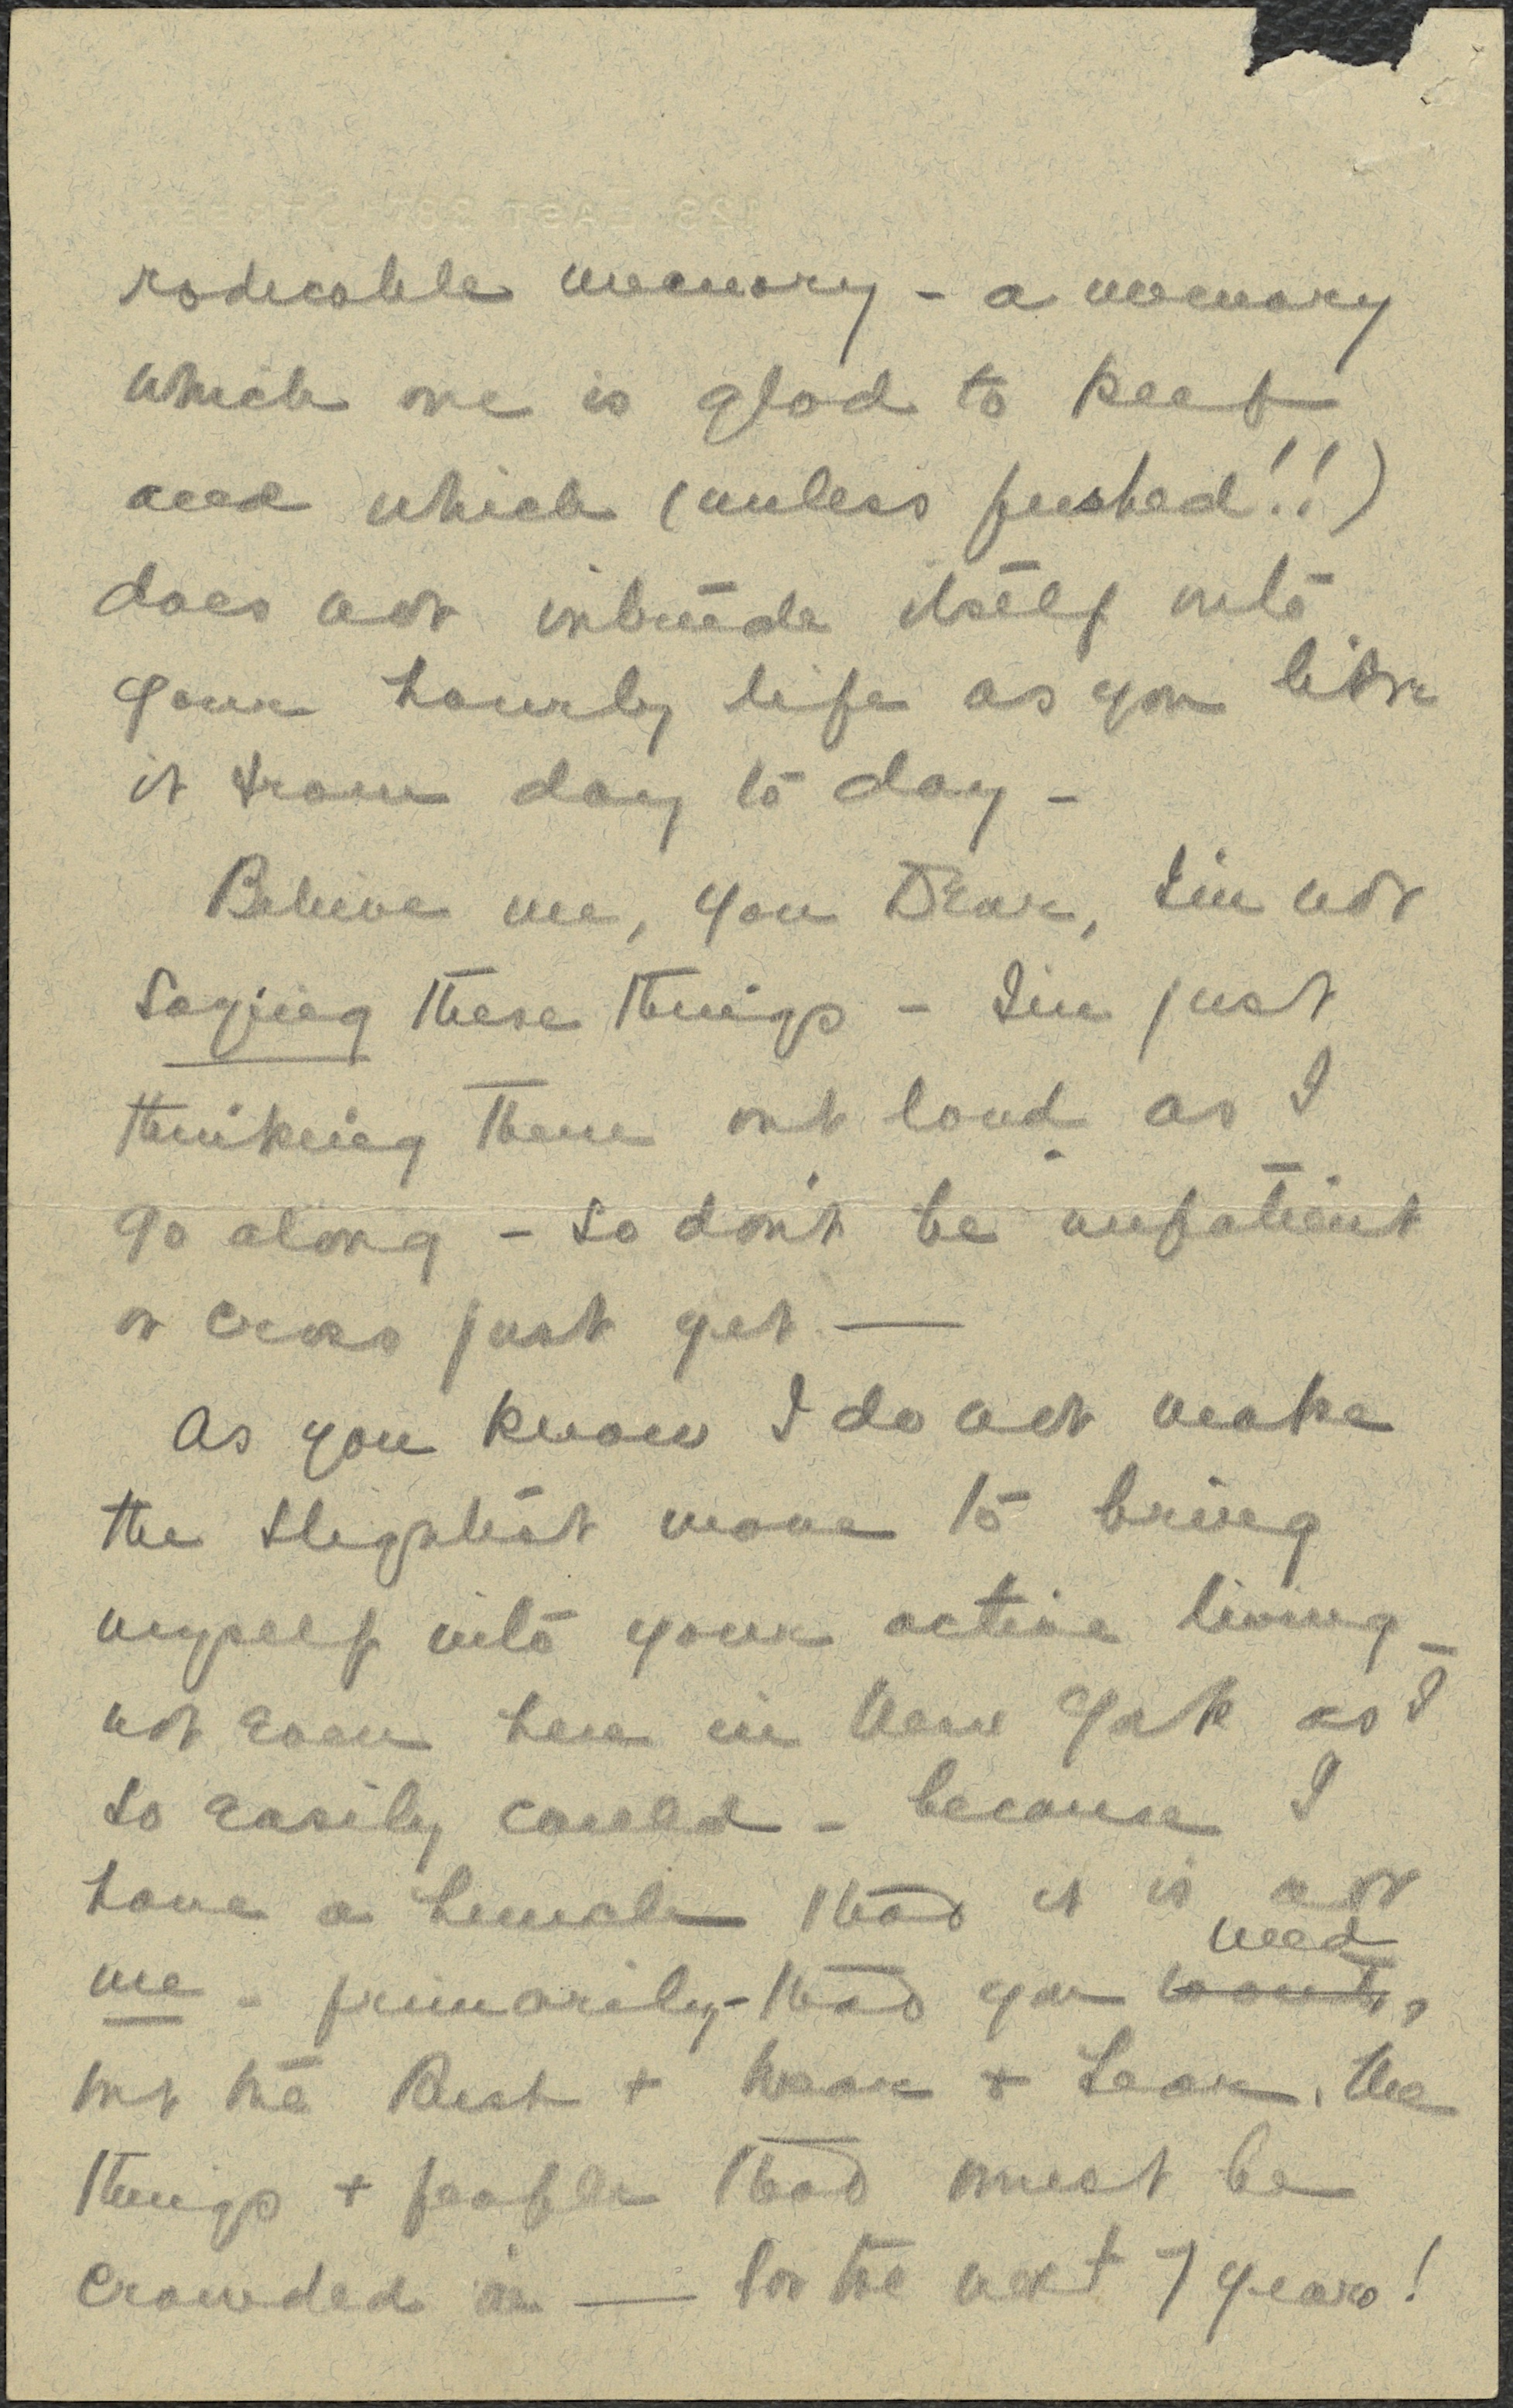memory – a memory which one is glad to keep and which (unless pushed!!) does not intrude itself into your hourly life as you live it from day to day –
Believe me, you Dear, I'm not saying these things – I'm just thinking them out loud as I go along – so don't be impatient or cross just yet –
As you know I do not make the slightest move to bring myself into your active living not even here in New York as I so easily could – because I have a hunch that it is not me – primarily –that you want [^need^], but the rush & wear & tear, the things & people that must be crowded in – for the next 7 years!